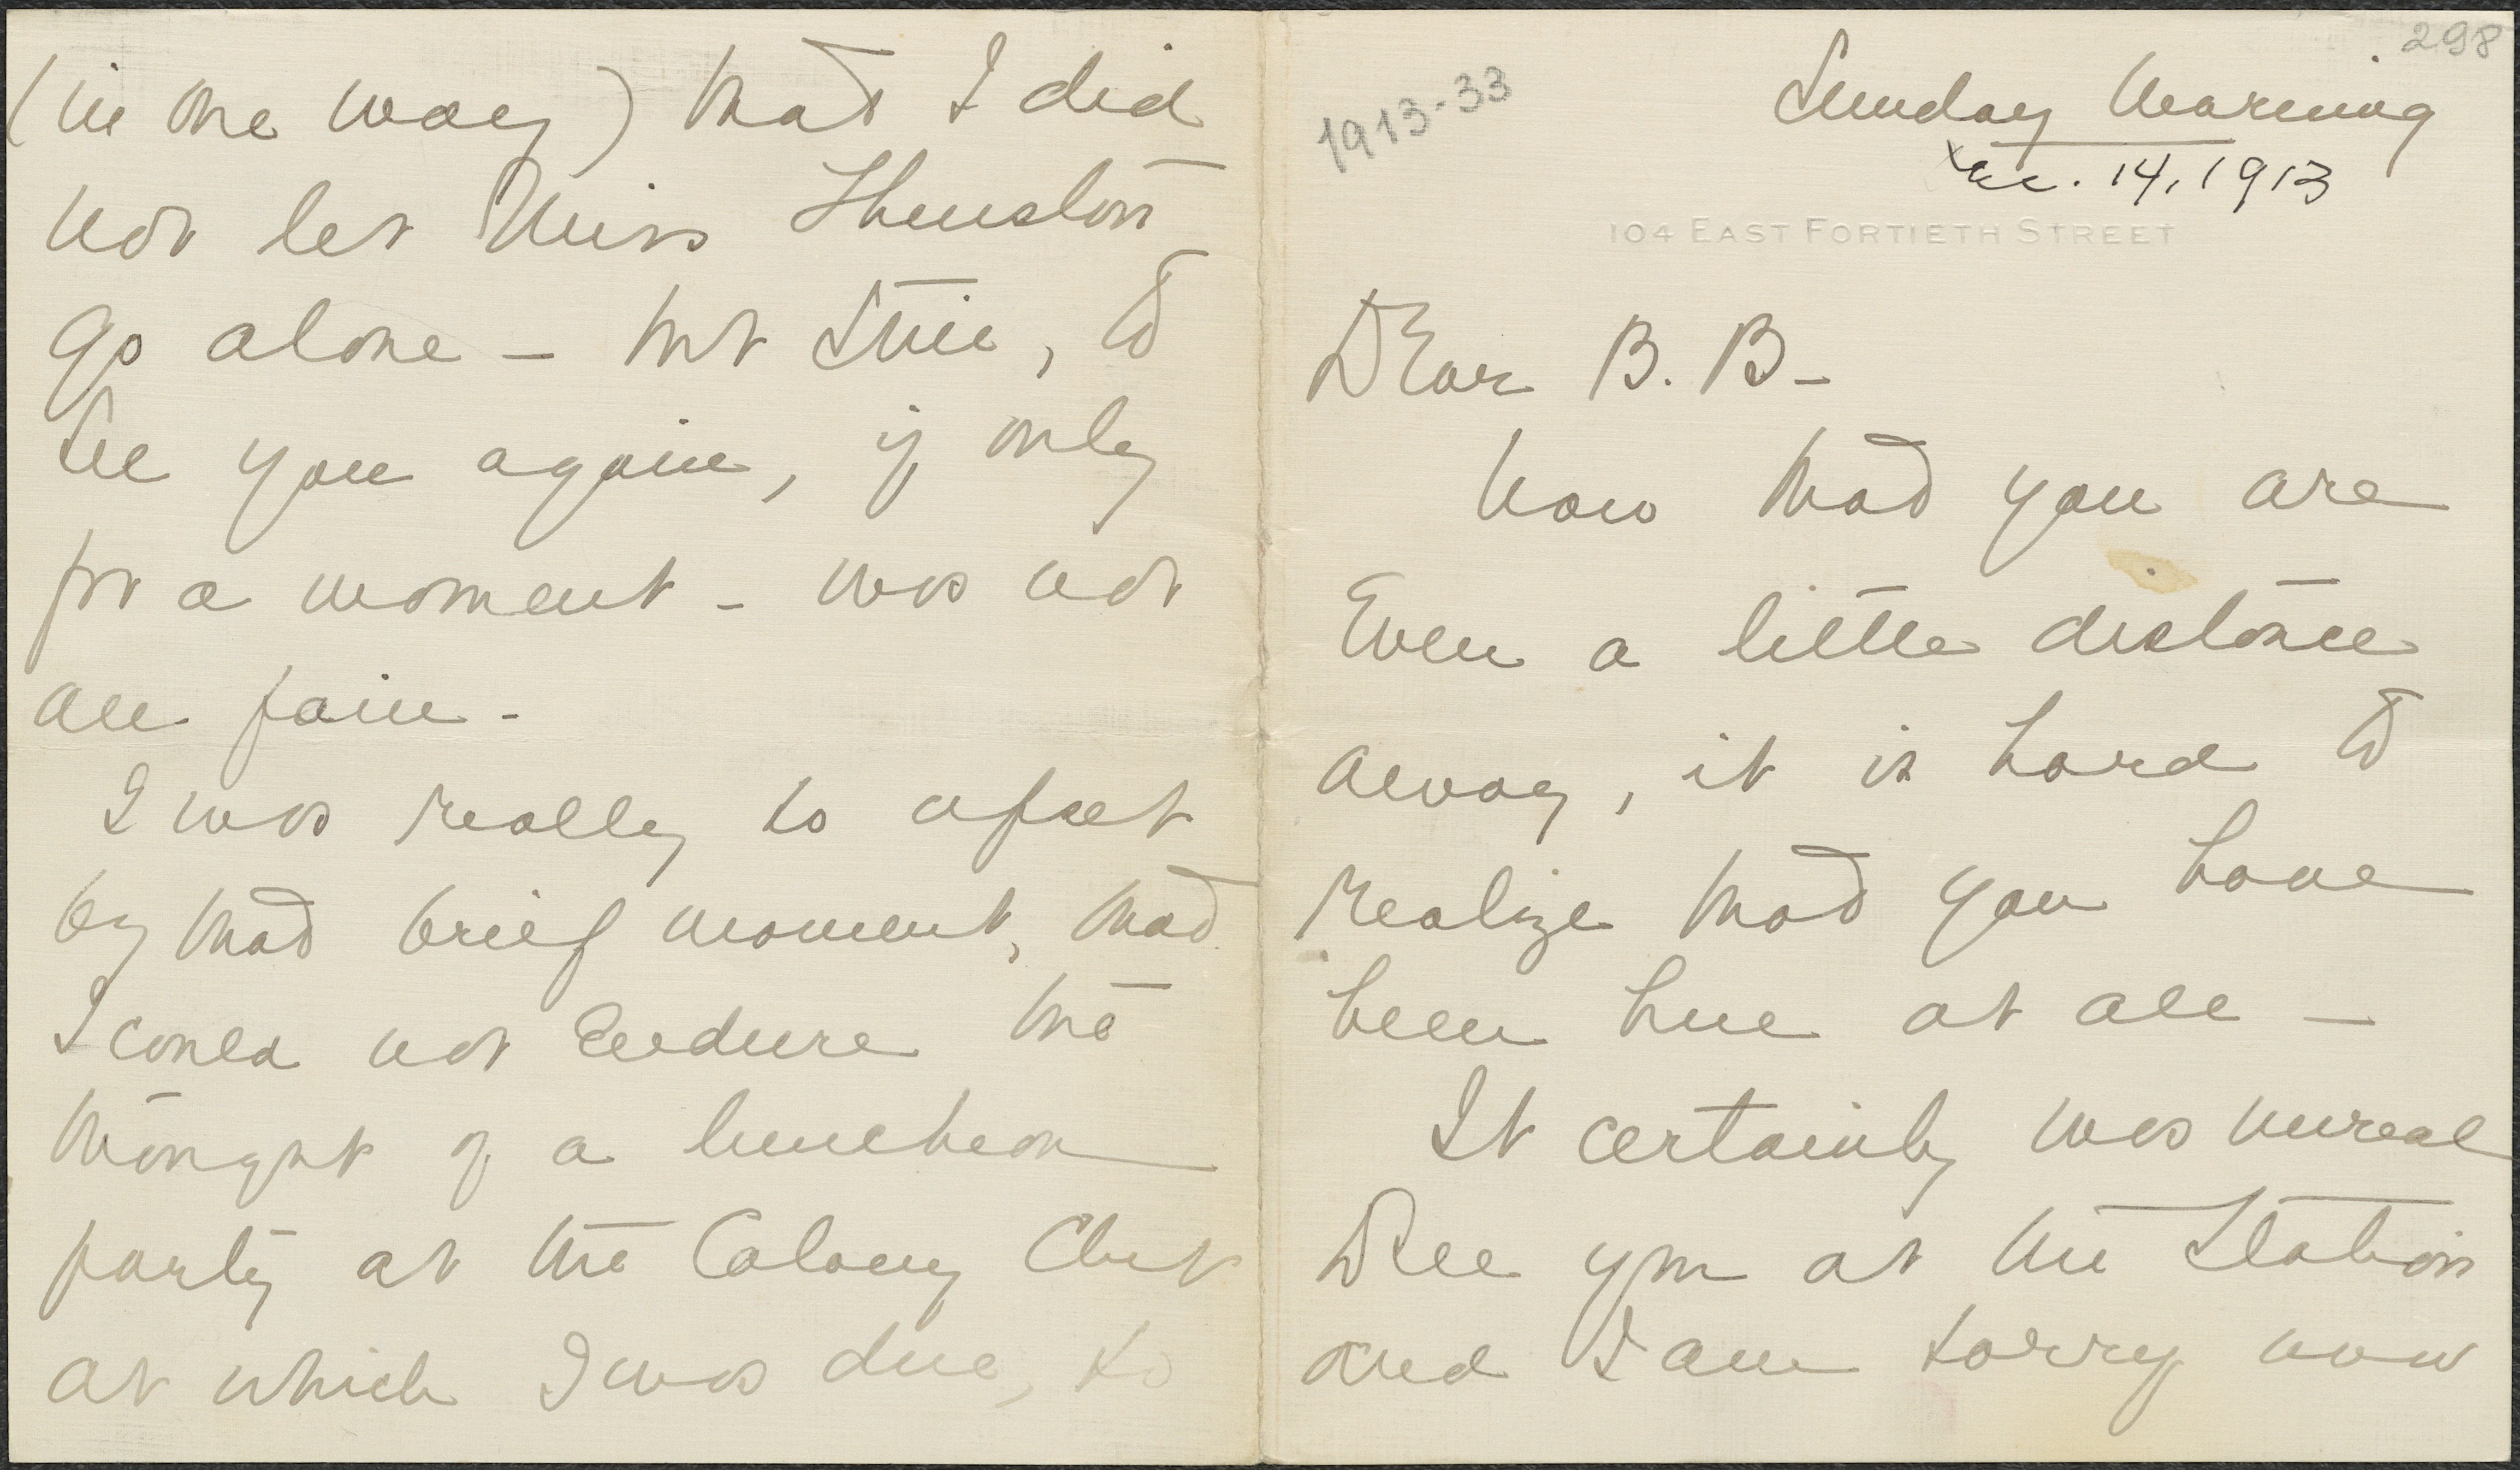Sunday Morning
Dear B. B. –
Now that you are even a little distance away, it is hard to realize that you have been here at all –
It certainly was unreal to see you at the Station and I am sorry now
(in one way) that I did not let Miss Thurston go alone – but still, to see you again, if only for a moment – was not all pain –
I was really so upset by that brief moment, that I could not endure the thought of a luncheon party at the Colony Club at which I was due, so